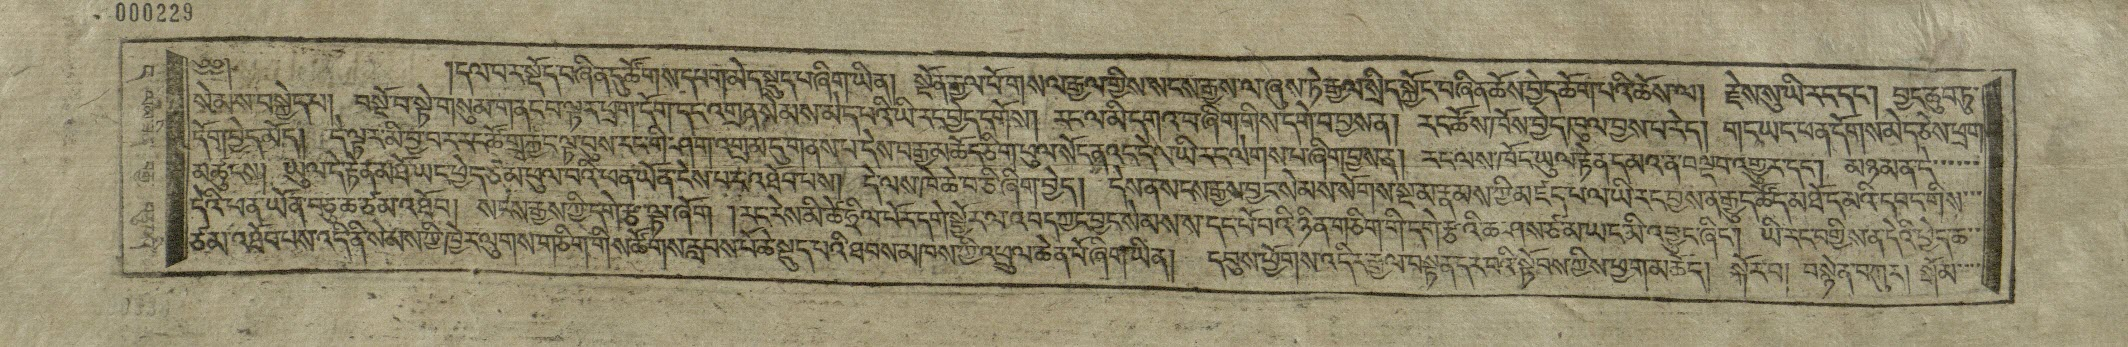༄༅། །དལ་བར་སྡོད་བཞིན་དུ་ཚོགས་དཔག་མེད་སྡུད་པ་ཞིག་ཡིན། སྔོན་རྒྱལ་པོ་གསལ་རྒྱལ་གྱིས་སངས་རྒྱས་ལ་ཞུས་ཏེ་རྒྱལ་སྲིད་སྐྱོང་བཞིན་ཆོས་བྱེད་ཆོག་པའི་ཆོས་ལ། རྗེས་སུ་ཡི་རང་དང་། བྱང་ཆུབ་ཏུ་
སེམས་བསྐྱེད་པ། བསྔོ་བ་སྟེ་གསུམ་གནང་བ་ལྟར་ཕྲག་དོག་དང་འགྲན་སེམས་མེད་པའི་ཡི་རང་བྱེད་དགོས། རང་ལ་མི་དགའ་བ་ཞིག་གིས་དགེ་བ་བྱས་ན། རང་ཚོས་ཁོས་བྱེད་ཁུལ་བྱས་པ་རེད། གང་ཡང་ཕན་དོགས་མེད་ཅེས་ཕྲག་
དོག་བྱེད་མོད། དེ་ལྟར་མི་བྱ་བར་རང་ཚོ་གྲྭ་རྐྱང་ལྟ་བུས་རང་གི་ཤག་འགྲམ་དུ་གནས་པ་དེས་བརྒྱ་མཆོད་ཅིག་ཕུལ་སོང་ནའང་དེ་ལ་ཡི་རང་ལེགས་པ་ཞིག་བྱས་ན། རང་ལས་ཁོང་ཡུལ་རྟེན་དམའ་ན་བལྡབ་འགྱུར་དང་། མཉམ་ན་དེ་
མཚུངས། ཡུལ་དེ་རྟེན་མཐོ་ཡང་ཕྱེད་ཙམ་ཕུལ་བའི་ཕན་ཡོན་ངེས་པར་འཐོབ་པས། དེ་ལས་ཁེ་ཆེ་བ་ཅི་ཞིག་བྱེད། དེས་ན་སངས་རྒྱས་བྱང་སེམས་སོགས་སྔ་མ་རྣམས་ཀྱི་མཛད་པ་ལ་ཡི་རང་བྱས་ན་རྒྱུད་ཚོད་མཐོ་དམའི་དབང་གིས་
དེའི་ཕན་ཡོན་བཅུ་ཆ་ཙམ་འཐོབ། སངས་རྒྱས་ཀྱི་དགེ་རྩ་ལྟ་ཞོག །རང་རེས་མི་ཚེ་ཧྲིལ་པོར་དགེ་སྦྱོར་ལ་འབད་ཀྱང་བྱང་སེམས་ས་དང་པོ་བའི་ཉིན་གཅིག་གི་དགེ་རྩའི་ཆ་ཤས་ཙམ་ཡང་མི་འབྱུང་ཞིང་། ཡི་རང་བགྱིས་ན་དེའི་ཕྱེད་ཆ་
ཙམ་འཐོབ་པས་འདི་ནི་སེམས་ཀྱི་ཁྱེར་ལུགས་གཅིག་གིས་ཚོགས་རླབས་པོ་ཆེ་སྡུད་པའི་ཐབས་མཁས་ཀྱི་འཕྲུལ་ཆེན་པོ་ཞིག་ཡིན། དབུས་ཕྱོགས་འདིར་རྒྱལ་བསྟན་དར་བའི་སྟོབས་ཀྱིས་ཕྱག་མཆོད། སྐོར་བ། བསྙེན་བཀུར། སྒོམ་